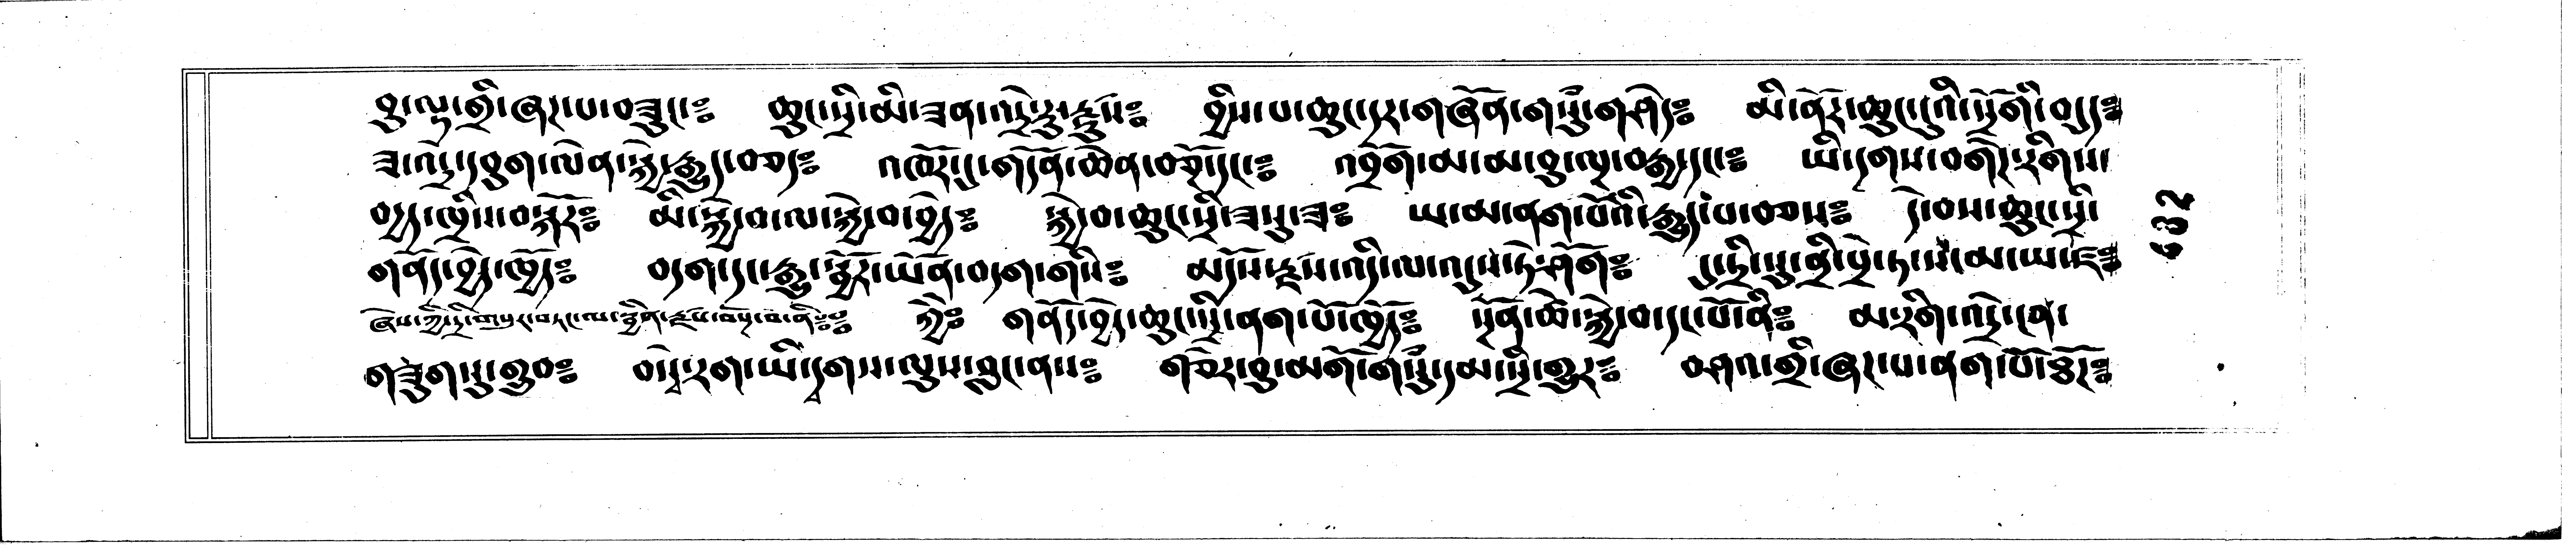བུ་སྟ་གྲི་ཞགས་པ་བཟུང་༔ཆུང་སྲི་མི་ཟན་འདྲེ་རུ་རྫུས༔བྱིས་པ་ཆུང་དར་གཞོན་གསུམ་གཤེད༔མི་ནོར་ཆུང་ངུའི་སྲོག་གི་བདུད༔
ཟ་འདྲེ་དབུགས་ལེན་སྐྱེ་རྒྱུད་བཅད༔འཁོར་དུ་གདོན་ཆེན་བཅོ་ལྔ་དང༔འབྲོག་མ་མ་བུ་ལྔ་བརྒྱ་དང་༔ཡི་དྭགས་བགེགས་རིགས་
བརྒྱད་ཁྲིས་བསྐོར༔མི་སྐྱེ་བ་ལ་སྐྱེ་བ་བྱེད༔སྐྱེ་བ་ཆུང་སྲི་ཟས་སུ་ཟ༔ཡ་མ་ནག་པོའི་རྒྱུད་པ་བཅས༔དེ་བས་ཆུང་སྲི་
གནོད་བྱེད་ཁྱོད༔བདག་དང་རྒྱུ་སྦྱོར་ཡོན་བདག་གིས༔མདོས་རྫས་འདི་ལ་འདུས་ཏེ་ཤོག༔ངུ་ཏྲི་སུ་རྣྲི་པྲེ་ཏ་ས་མ་ཡ་ཛ༔
ཞེས་ཀྱི་དྲི་གསུང་བཏང་ལ་སྦྱིན་རྫས་བསྔོ་བ་ནི༔༔ཀྱཻ༔གནོད་བྱེད་ཆུང་སྲི་ནག་པོ་ཁྱོད༔སྔོན་ཚེ་སྐྱེ་བ་དང་པོ་ནི༔མ་རིག་འདྲེ་ངན་
གཟུགས་སུ་གྲུབ༔བསྭེ་རག་ཡི་དྭགས་ལུས་བླང་ནས༔གཅེར་བུ་མགོ་གསུམ་དམ་སྲི་གྱུར༔བཤལ་གྲི་ཞགས་པ་ནག་པོ་མཐོང་༔